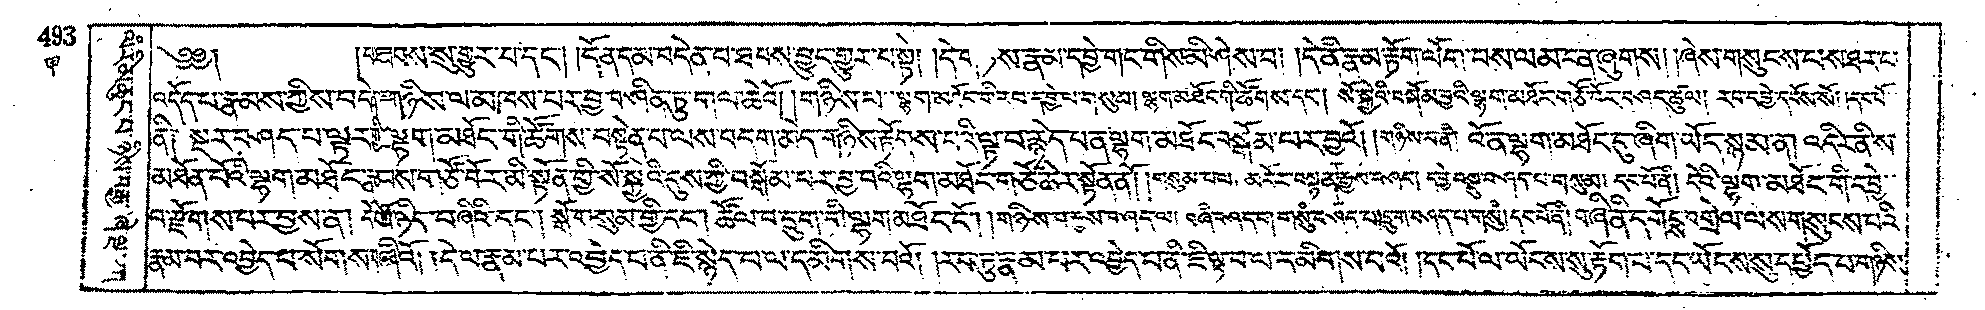༄༅། །པ་ཐབས་སུ་གྱུར་པ་དང་། །དོན་དམ་བདེན་པ་ཐབས་བྱུང་གྱུར་པ་སྟེ། །དེ་གཉིས་རྣམ་དབྱེ་གང་གིས་མི་ཤེས་པ། །དེ་ནི་རྣམ་རྟོག་ལོག་པས་ལམ་ངན་ཞུགས། །ཞེས་གསུངས་པས་ཐར་པ་
འདོད་པ་རྣམས་ཀྱིས་བདེན་གཉིས་ལ་མཁས་པར་བྱ་བ་ཤིན་ཏུ་གལ་ཆེའོ། །གཉིས་པལྷག་མཐོང་གི་རབ་དབྱེ་ལ་གསུམ། ལྷག་མཐོང་གི་ཚོགས་དང་། སོ་སྐྱེའི་བསྒོམ་བྱའི་ལྷག་མཐོང་གཙོ་བོར་བཤད་ཚུལ། རབ་དབྱེ་དངོས་སོ། །དང་པོ
ནི༑ སྔར་བཤད་པ་ལྟར་གྱི་ལྷག་མཐོང་གི་ཚོགས་བསྟེན་པ་ལས་བདག་མེད་གཉིས་རྟོགས་པའི་ལྟ་བ་རྙེད་པ་ན་ལྷག་མཐོང་བསྒོམ་པར་བྱའོ། །གཉིས་བ་ནི། འོ་ན་ལྷག་མཐོང་དུ་ཞིག་ཡོད་སྙམ་ན། འདིར་ནི་ས་
མཐོན་པོའི་ལྷག་མཐོང་རྣམས་གཙོ་བོར་མི་སྟོན་གྱི་སོ་སྐྱེའི་དུས་ཀྱི་བསྒོམ་པར་བྱ་བའི་ལྷག་མཐོང་གཙོ་ཆེར་སྟོན་ནོ། །གསུམ་པ་ལམ། མདོར་བསྟན་རྒྱས་བཤད། དབྱེ་བསྡུས་བཤད་པ་གསུམ། དང་པོ་ནི། དེའི་ལྷག་མཐོང་གི་དབྱེ་
བ་རྫོགས་པར་བྱས་ན། ངོ་བོ་ཉིད་བཞིའི་དང་། སྒོ་གསུམ་གྱི་དང་། ཚོལ་བ་དྲུག་གི་ལྷག་མཐོང་ངོ། །གཉིས་པ་རྒྱས་བཤད་ལ། བཞི་བཤད་ག་གསུམ་བཤད་པ་གསུཾ། དང་པོ་ནི། བཞི་ནི་དགོངས་འགྲེལ་ལས་གསུངས་པའི་
རྣམ་པར་འབྱེད་པ་སོགས་བཞིའོ། །དེ་ལ་རྣམ་པར་འབྱེད་པ་ནི་ཇི་སྙེད་པ་ལ་དམིགས་པའོ། །རབ་ཏུ་རྣམ་པར་འབྱེད་པ་ནི་ཇི་ལྟ་བ་ལ་དམིགས་པའོ། །དང་པོ་ལ་ཡོངས་སུ་རྟོག་པ་དང་ཡོངས་སུ་དཔྱོད་པ་གཉིས་